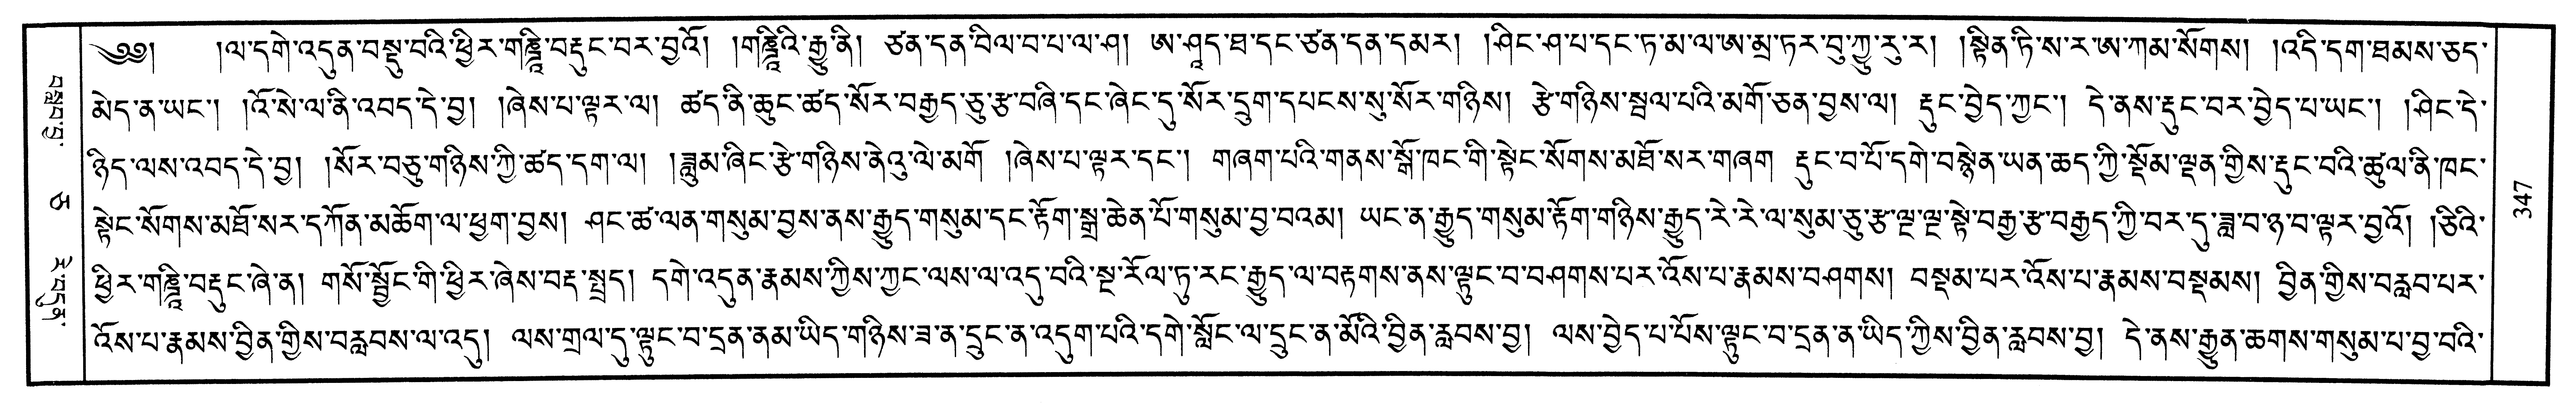༄༅། །ལ་དགེ་འདུན་བསྡུ་བའི་ཕྱིར་གཎྜཱི་བརྡུང་བར་བྱའོ། །གཎྜཱིའི་རྒྱུ་ནི། ཙན་དན་བིལ་བ་པ་ལ་ཤ། ཨ་ཤཱད་ཐ་དང་ཙན་དན་དམར། །ཤིང་ཤ་པ་དང་ཏ་མ་ལ་ཨ་མྲ་ཏར་བུ་ཀྱུ་རུ་རམ། །སྟིན་ཏི་ས་ར་ཨ་ཀམ་སོགས། །འདི་དག་ཐམས་ཅད་
མེད་ན་ཡང་། །འོ་སེ་ལ་ནི་འབད་དེ་བྱ། །ཞེས་པ་ལྟར་ལ། ཚད་ནི་ཆུང་ཚད་སོར་བརྒྱད་ཅུ་རྩ་བཞི་དང་ཞེང་དུ་སོར་དྲུག་དཔངས་སུ་སོར་གཉིས། རྩེ་གཉིས་སྦལ་བའི་མགོ་ཅན་བྱས་ལ། རྡུང་བྱེད་ཀྱང་། དེ་ནས་རྡུང་བར་བྱེད་པ་ཡང་། །ཤིང་དེ་
ཉིད་ལས་འབད་དེ་བྱ། །སོར་བཅུ་གཉིས་ཀྱི་ཚད་དག་ལ། །ཟླུམ་ཞིང་རྩེ་གཉིས་ནེའུ་ལེ་མགོ །ཞེས་པ་ལྟར་དང་། གཞག་པའི་གནས་སྒོ་ཁང་གི་སྟེང་སོགས་མཐོ་སར་གཞག །རྡུང་བ་པོ་དགེ་བསྙེན་ཡན་ཆད་ཀྱི་སྡོམ་ལྡན་གྱིས་རྡུང་བའི་ཚུལ་ནི་ཁང་
སྟེང་སོགས་མཐོ་སར་དཀོན་མཆོག་ལ་ཕྱག་བྱས། ཤང་ཚ་ལན་གསུམ་བྱས་ནས་རྒྱུད་གསུམ་དང་རྟོག་སྒྲ་ཆེན་པོ་གསུམ་བྱ་བའམ། ཡང་ན་རྒྱུད་གསུམ་རྟོག་གཉིས་རྒྱུད་རེ་རེ་ལ་སུམ་ཅུ་རྩ་ལྔ་ལྔ་སྟེ་བརྒྱ་རྩ་བརྒྱད་ཀྱི་བར་དུ་ཟླ་བ་ཉ་བ་ལྟར་བྱའོ། །ཅིའི་
ཕྱིར་གཎྜཱི་བརྡུང་ཞེ་ན། གསོ་སྦྱོང་གི་ཕྱིར་ཞེས་བརྡ་སྤྲད། དགེ་འདུན་རྣམས་ཀྱིས་ཀྱང་ལས་ལ་འདུ་བའི་སྔ་རོལ་ཏུ་རང་རྒྱུད་ལ་བརྟགས་ནས་ལྟུང་བ་བཤགས་པར་འོས་པ་རྣམས་བཤགས། བསྡམ་པར་འོས་པ་རྣམས་བསྡམས། བྱིན་གྱིས་བརླབ་པར་
འོས་པ་རྣམས་བྱིན་གྱིས་བརླབས་ལ་འདུ། ལས་གྲལ་དུ་ལྟུང་བ་དྲན་ནམ་ཡིད་གཉིས་ཟ་ན་དྲུང་ན་འདུག་པའི་དགེ་སློང་ལ་དྲུང་ན་མོའི་བྱིན་རླབས་བྱ། ལས་བྱེད་པ་པོས་ལྟུང་བ་དྲན་ན་ཡིད་ཀྱིས་བྱིན་རླབས་བྱ། དེ་ནས་རྒྱུན་ཆགས་གསུམ་པ་བྱ་བའི་